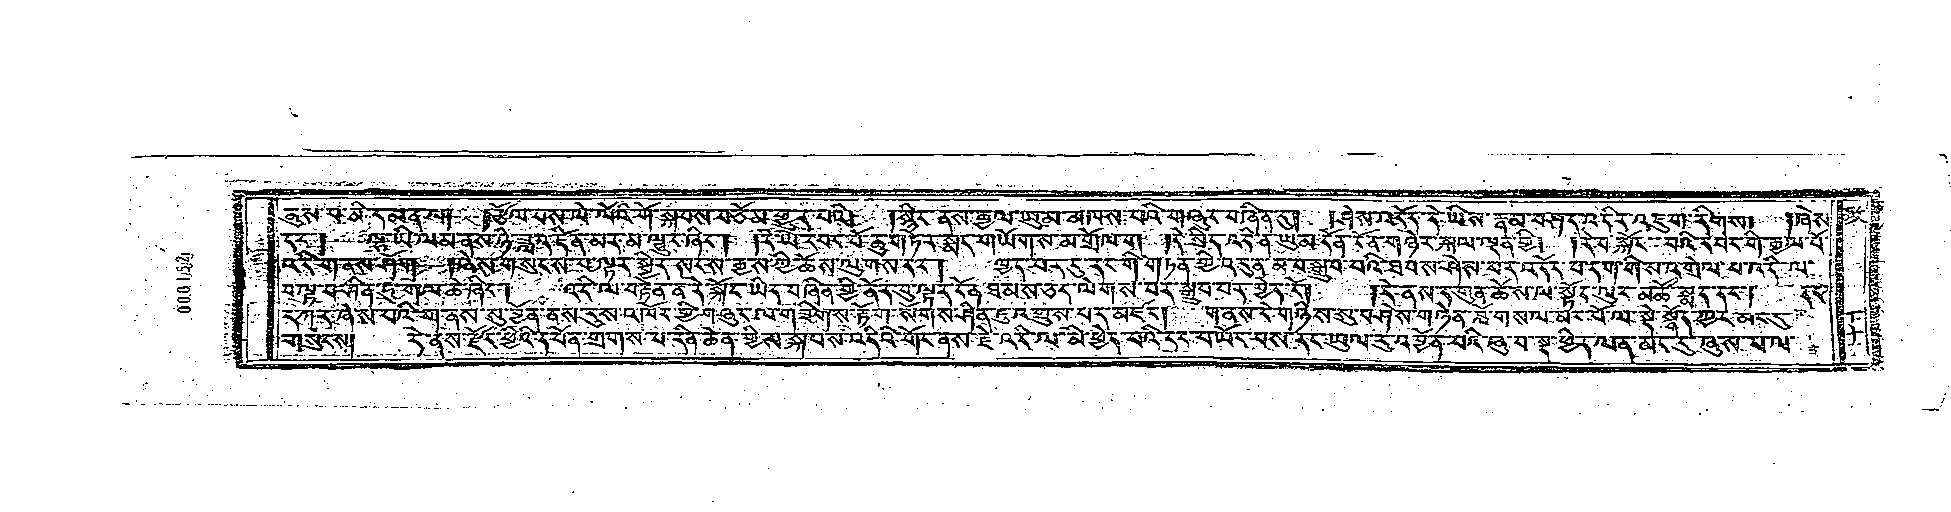ནུས་བ་མི་དམན་ལ། །རྩོལ་བས་ལེ་ལོའི་གོ་སྐབས་བཅོམ་གྱུར་པའི། །སྙིང་ནས་རྒྱལ་ཡུམ་མཁས་པའི་གཞུང་བཞིན་དུ། །ཤེས་འདོད་དེ་ཡིས་རྣམ་བཤད་འདིར་འཇུག་རིགས། །ཞེས་
དང་། ལྷ་ཡི་ལམ་ནས་ཉི་ཟླ་འཛིན་མར་མ་ལྟུང་ཞིང་། །རི་ཡི་དབང་པོ་ཆུ་གཏེར་སྨད་གཡོགས་མ་གྲོལ་བ། །དེ་སྲིད་འདི་ན་ཡུ་མངོན་དོན་གཉེར་སྐལ་ལྡན་གྱི། །རེ་བསྐོང་བའི་དབང་གི་རྒྱལ་པོ་
འདི་གནས་ཤོག །ཞེས་གསུངས་པ་ལྟར་སྤྱིར་སངས་རྒྱས་ཀྱི་ཆོས་ལུགས་དང་། ཁྱད་པར་དུ་རང་གི་གཏན་གྱི་འདུན་མ་བསྒྲུབ་པའི་ཐབས་ཤེས་བར་འདོད་པ་དག་གིས་འགྲེལ་པ་འདི་ལ་
བལྟ་བ་ཤིན་ཏུ་གལ་ཆེ་ཞིང་། འདི་ལ་བརྟེན་ན་རེ་སྐོད་ཡིད་བཞིན་གྱི་ནོར་བུ་ལྟར་དོན་ཐམས་ཅད་ལེགས་བར་སྒྲུབ་བར་བྱེད་དོ། །དེ་ནས་དགུན་ཆོས་ལ་སྟོང་ལུང་མཚོ་སྨད་དང་། དང་
དཀར་ཞེས་པའི་གནས་སུ་བྱོན་ནས་དུས་འཁོར་གྱི་གཞུང་ལ་གཟིགས་རྟོག་སོགས་ཤིན་ཏུ་འགྲུས་པར་མཛད། གནས་དེ་གཉིས་སུ་བཤེས་གཉེན་བློ་གསལ་མང་པོ་ལ་སྡེ་སྣོད་ཀྱང་མང་དུ་
གསུངས། དེ་ནས་རྫོད་ཕྱིའི་དཔོན་གྲགས་པ་རིན་ཆེན་གྱིས་སྐབས་འདིའི་གོང་ནས་རྗེ་འདི་ལ་མི་ཕྱེད་བའི་དང་པ་ཡོད་བས་རང་ཡུལ་དུ་འབྱོན་པའི་ཞུ་བ་སྔ་ཕྱིར་ལན་མང་དུ་ཞུས་པ་ལ་